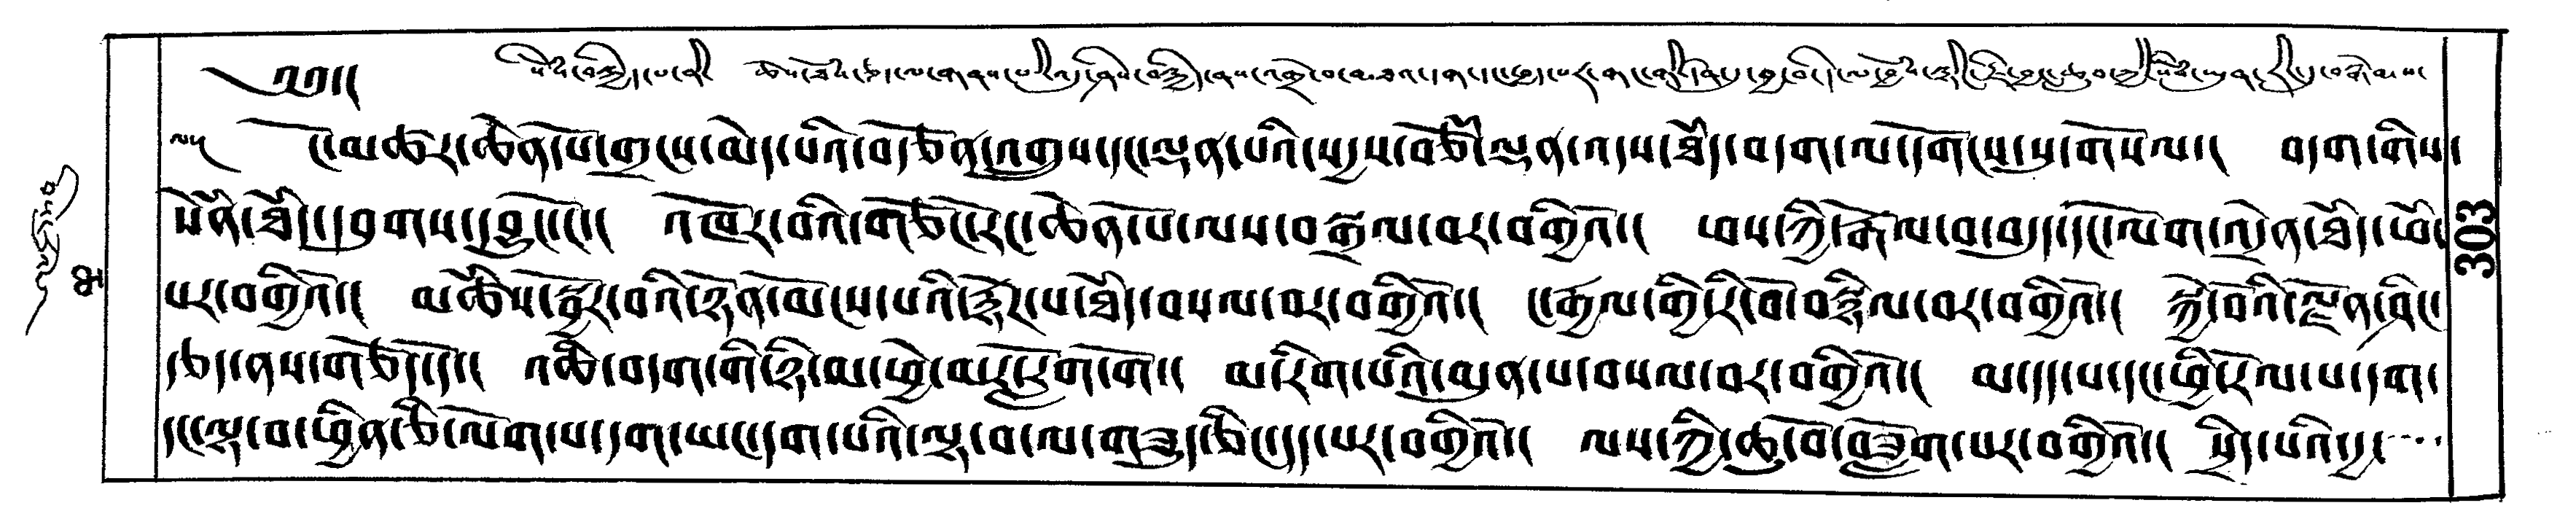༄༅། སེམས་བསྐྱེད་པ་ནི། ཆོས་ཐམས་ཅད་ལ་གནས་པའི་འདུ་ཤེས་བསྐྱེད་ནས་འགྲོ་བ་མཐའ་དག་དང་ཁྱད་པར་གང་གི་དོན་དུ་བྱ་བ་དེ་ལ་བྱམས་སྙིང་རྗེ་བྱང་ཆུབ་ཀྱི་སེམས་ཡུན་རིང་དུ་སྒོམ་ལ། 
ངོ་མཚར་ཆེན་པོ་གྲངས་མེད་པའི་བརྩོན་འགྲུས་དང་ལྡན་པའི་སངས་རྒྱས་བཅོམ་ལྡན་འདས་ཐམས་ཅད་བདག་ལ་དགོངས་སུ་གསོལ། བདག་གིས་
སེམས་ཅན་ཐམས་ཅད་དབུགས་དབྱུང་ངོ་། འཁོར་བའི་གཅོང་རོང་ཆེན་པོ་ལས་བསྒྲལ་བར་བགྱིའོ། ཕས་ཀྱི་རྒོལ་བ་བདུད་དང་ལོག་འདྲེན་ཐམས་ཅད་ཕམ་
པར་བགྱིའོ། མཚམས་སྦྱོར་བའི་ཉོན་མོངས་པས་བསྙོགས་པ་ཐམས་ཅད་བསལ་བར་བགྱིའོ། ང་རྒྱལ་གྱི་རི་བོ་བསྙིལ་བར་བགྱིའོ། སྐྱེ་བོའི་ལྗོན་ཤིང་
རྩད་ནས་གཅོད་དོ། ཆི་བདག་གི་ཉི་མ་ཕྱེ་མར་རློག་གོ། མ་རིག་པའི་མུན་པ་བསལ་བར་བགྱིའོ། མ་དད་པ་དང་ཕྱི་རོལ་པ་དག་
དང་ལྟ་བ་ཕྱིན་ཅི་ལོག་པ་དག་ཡང་དག་པའི་ལྟ་བ་ལ་གཟུད་ཅིང་དད་པར་བགྱིའོ། ལས་ཀྱི་ཆུ་བོ་བཟློག་པར་བགྱིའོ། སྲིད་པའི་རྒྱ་